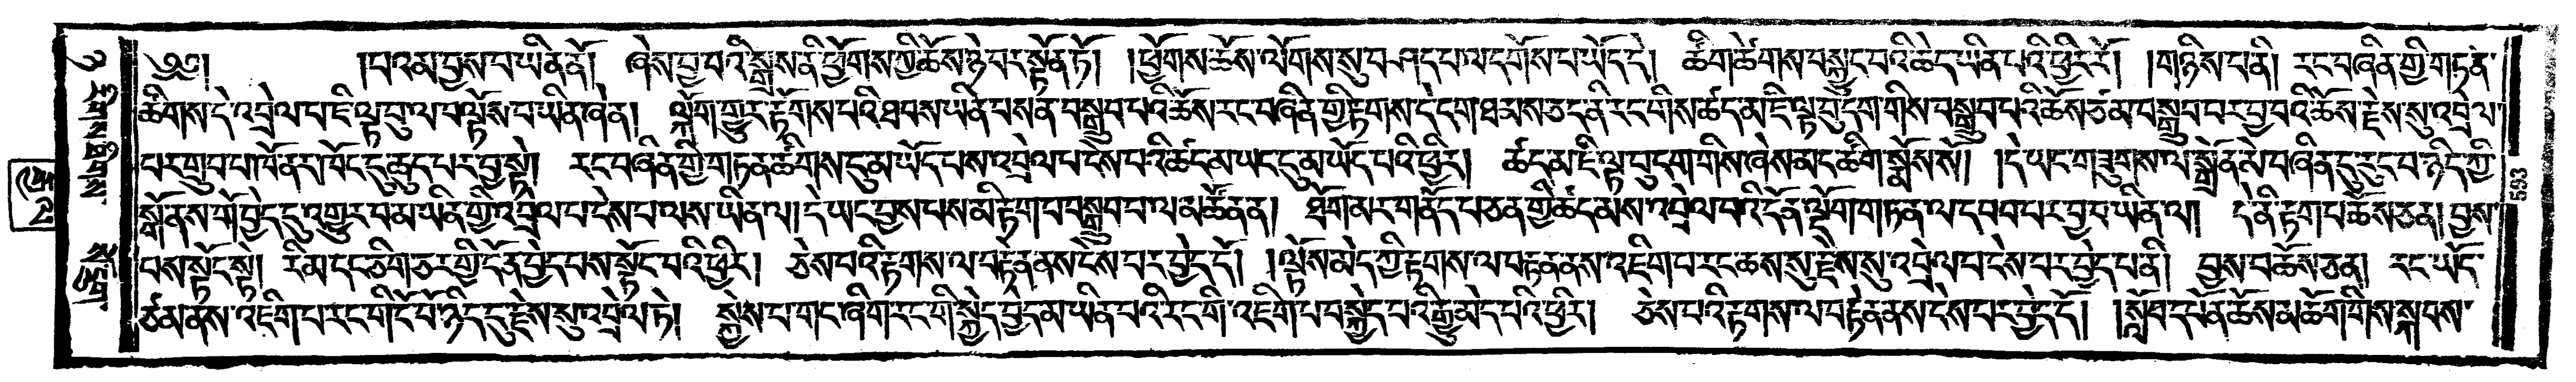༄༅། །པའམ་བྱས་པ་ཡིན་ནོ། ཞེས་བྱ་བའི་སྒྲས་ནི་ཕྱོགས་ཀྱི་ཆོས་ཉེ་བར་སྟོན་ཏོ། །ཕྱོགས་ཆོས་ལོགས་སུ་བཤད་པ་ལ་དོགས་པ་ཡོད་དེ། ཚིག་ཚེགས་བསྐྱུང་བའི་ཆེད་ཡིན་པའི་ཕྱིར་རོ། །གཉིས་པ་ནི། རང་བཞིན་གྱི་གཏན་
ཚིགས་དེ་འབྲེལ་པ་ཇི་ལྟ་བུ་ལ་བལྟོས་པ་ཡིན་ཞེ་ན། ལྐོག་གྱུར་རྟོགས་པའི་ཐབས་ཡིན་པས་ན་བསྒྲུབ་པའི་ཆོས་རང་བཞིན་གྱི་རྟགས་དེ་དག་ཐམས་ཅད་ནི་རང་གིས་ཚད་མ་ཇི་ལྟ་བུ་དག་གིས་བསྒྲུབ་པའི་ཆོས་ཙམ་བསྒྲུབ་པར་བྱ་བའི་ཆོས་རྗེས་སུ་འབྲེལ་
པར་གྲུབ་པ་ཁོ་ནར་ཁོང་དུ་ཆུང་པར་བྱ་སྟེ། རང་བཞིན་གྱི་གཏན་ཚིགས་དུ་མ་ཡོད་པས་འབྲེལ་པ་ངེས་པའི་ཚད་མ་ཡང་དུ་མ་ཡོད་པའི་ཕྱིར། ཚད་མ་ཇི་ལྟ་བུ་དག་གིས་ཞེས་མང་ཚིག་སྨོས་སོ། །དེ་ཡང་གཟུགས་ལ་སྒྲོན་མེ་བཞིན་དུ་རུང་བ་ཉིད་ཀྱི་
སྒོ་ནས་གོ་བྱེད་དུ་འགྱུར་པ་མ་ཡིན་གྱི་འབྲེལ་པ་ངེས་པ་ལས་ཡིན་ལ། དེ་ཡང་བྱས་པས་མི་རྟག་པ་བསྒྲུབ་པ་ལ་མཚོན་ན། ཐོག་མར་གནོད་པ་ཅན་གྱི་ཚད་མས་འབྲེལ་བའི་དོན་ལྡོག་གཏན་ལ་དབབ་པར་བྱ་བ་ཡིན་ལ། དེ་ནི་རྟག་པ་ཆོས་ཅན། བྱས་
པས་སྟོང་སྟེ། རིམ་དང་ཅིག་ཅར་གྱི་དོན་བྱེད་པས་སྟོང་པའི་ཕྱིར། ཅེས་པའི་རྟགས་ལ་བརྟེན་ནས་ངེས་པར་བྱེད་དོ། །ལྟོས་མེད་ཀྱི་རྟགས་ལ་བརྟན་ནས་འཇིག་པ་རང་ཆས་སུ་རྗེས་སུ་འབྲེལ་པ་ངེས་པར་བྱེད་པ་ནི། བྱས་པ་ཆོས་ཅན། རང་ཡོད་
ཙམ་ནས་འཇིག་པ་རང་གི་ངོ་བོ་ཉིད་དུ་རྗེས་སུ་འབྲེལ་ཏེ། སྐྱེས་པ་གང་ཞིག་རང་གི་སྐྱེད་བྱེད་མ་ཡིན་པའི་རང་གི་འཇིག་པ་བསྐྱེད་པའི་རྒྱུ་མེད་པའི་ཕྱིར། ཅེས་པའི་རྟགས་ལ་བརྟེན་ནས་ངེས་པར་བྱེད་དོ། །སློབ་དཔོན་ཆོས་མཆོག་གིས་སྐབས་